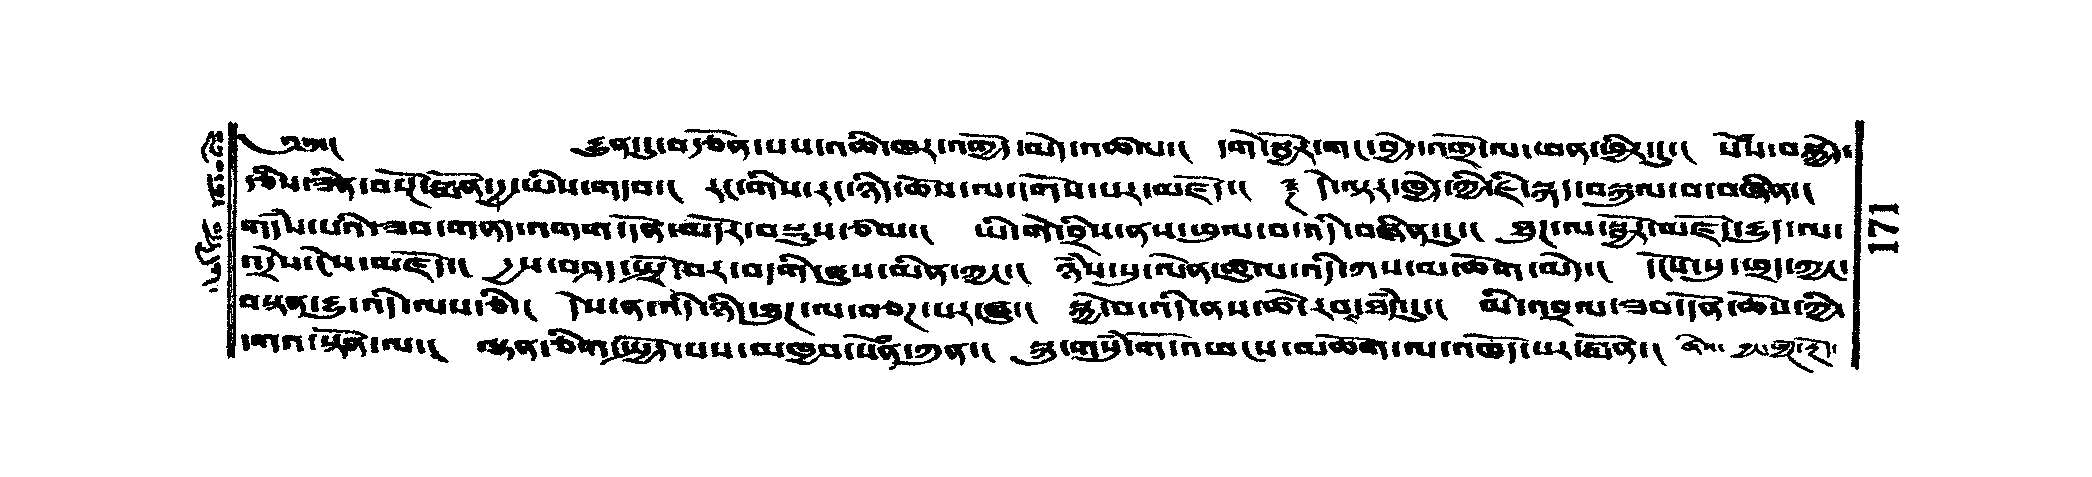།རྒྱུན་དུ་བརྩོན་པས་འཆི་ཁར་འགྱོད་མེད་འཚལ། །དགེ་སྦྱོར་གང་བྱེད་འགྲོ་ལ་ཕན་ཕྱིར་དུ། །སེམས་བསྐྱེད་
རྩིས་ཟིན་བསྔོ་སྨོན་རྒྱ་ཡིས་གདབ། །རང་གིས་རང་ཉིད་ཆོས་ལ་དགོད་པར་མཛོད། །དེ་ལྟར་ཁྱེད་ཀྱི་ཇི་སྐད་བསྐུལ་བ་བཞིན། །
གདམས་པའི་ཟབ་གནད་འགག་དོན་མདོར་བསྡུས་ཙམ། །ཡི་གེ་བྲིས་ནས་ཕུལ་བ་འདི་བཞིན་དུ། །ཐུགས་ལ་སྦྱོར་མཛོད་རྒྱུད་ལ་
འདྲེས་ངེས་མཛོད། །རྒྱས་བཤད་སྤྲོ་བར་བདག་གི་ནུས་མིན་ཀྱང་། །ཉམས་སུ་ལེན་ཚུལ་འདི་ཀས་མ་ཆོག་མེད། །དངོས་སུ་ཕྲད་ཀྱང་
བསྟན་རྒྱུ་འདི་ལས་ཅི། །དེས་ན་འདི་ཉིད་ཐུགས་ལ་བཅགས་པར་ཞུ། །སྐྱེ་བ་འདི་ནས་ཚེ་རབས་ཐམས་ཅད་དུ། །མི་འབྲལ་ཟབ་དོན་ཆོས་ཀྱི་
དགའ་སྟོན་ལ། །ལྷན་ཅིག་སྤྱོད་པས་མཁའ་ཁྱབ་སེམས་ཅན་ཀུན། །སྐུ་གསུམ་གོ་འཕང་མཆོག་ལ་འཁོད་པར་སྨོན། ཞེས་བྱང་ཕྱོགས་སྟོད་